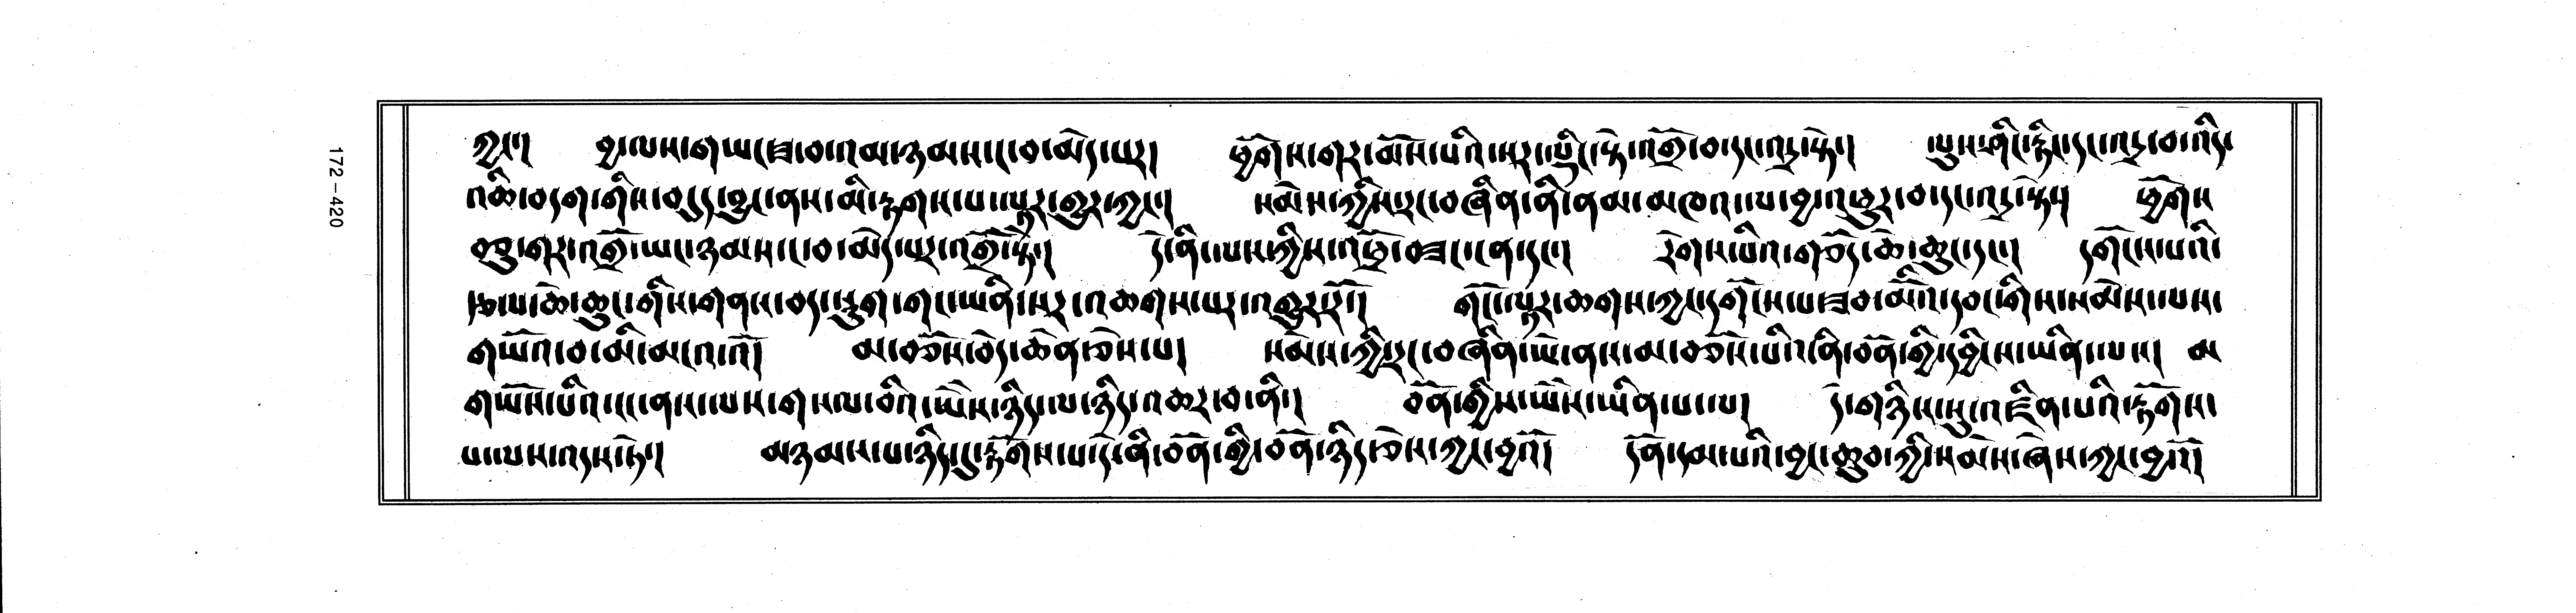ཀྱང་། བྱ་ལས་གཡང་ཟ་བ་འམ་ཉམས་ང་བ་མེད་པར། ཕྱོགས་གར་མོས་པའི་སར་ལྡིང་སྟེ་འགྲོ་བ་དང་འདྲ་སྟེ། ལུས་ཤིང་རྟིང་དང་འདྲ་བ་འདི་
འཆི་བདག་གིས་བདུད་བྱུང་ནས་མི་རྟག་པ་ལྟར་གྱུར་ཀྱང་། སེམས་ཀྱིས་རང་བཞིན་ནི་ནམ་མཁའ་ལ་བྱ་འཕུར་བ་དང་འདྲ་སྟེ། ཕྱོགས་
བཅུ་གར་འགྲོ་ཡང་ཉམས་ང་བ་མེད་པར་འགྲོ་སྟེ། དེ་ནི་ལས་ཀྱིས་འཕྲོ་བཟང་ངན་དང་། རིག་པའི་གཅོད་ཆེ་ཆུང་དང་། དགོངས་པའི་
རྩལ་ཆེ་ཆུང་གིས་གནས་བདེ་སྡུག་གང་ཡིན་སར་འཆགས་པར་འགྱུར་རོ། གོང་ལྟར་ཆགས་ཀྱང་དགོངས་པ་ཟབ་མོའི་དབང་གིས་སེམས་ལས་
གཡོའ་བ་མི་མངའ་འོ། མ་བཅོས་བདེ་ཆེན་ཅེས་པ། སེམས་ཀྱི་རང་བཞིན་ཡེ་ནས་མ་བཅོས་པ་ནི་བོན་གྱི་དབྱིངས་ཡིན་ལས། མ་
གཡོས་པའི་ངང་ནས་ལས་གསལ་བའི་ཡེ་ཤེས་ཉིད་ལ་ཉིད་འཆར་བ་ནི། བོན་གྱིས་ཡེ་ཤེས་ཡིན་པ་ལ། དེ་གཉིས་སུ་འཛིན་པའི་རྟོགས་
པ་ལས་འདས་ཏེ། མཉམས་པ་ཉིད་དུ་རྟོགས་པ་དེ་ནི་བོན་གྱི་བོན་ཉིད་ཅེས་ཀྱང་བྱའོ། དོན་དམ་པའི་བྱང་ཆུབ་ཀྱིས་སེམས་ཞེས་ཀྱང་བྱའོ།